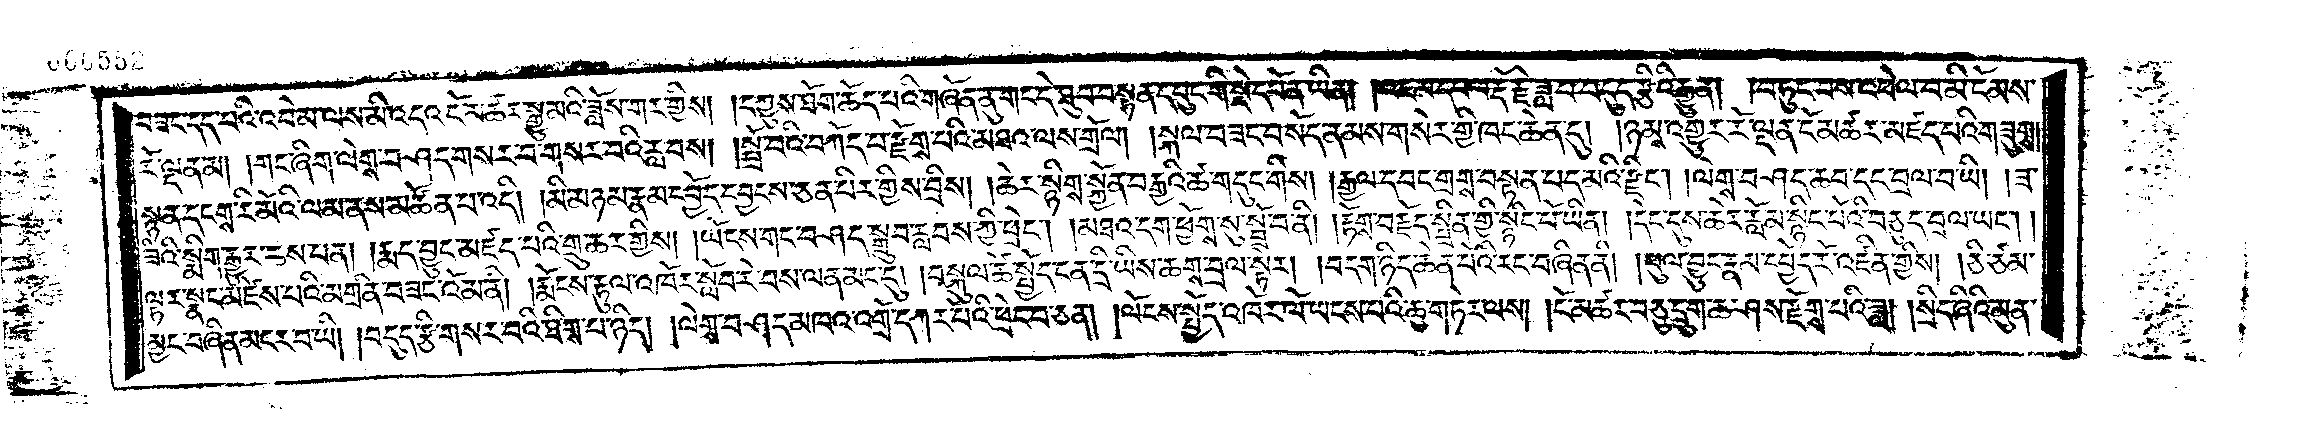བཟང་དད་པའི་འབེམ་ལས་མི་འདའ་ངོ་མཚར་སྒྱུ་མའི་ཟློས་གར་གྱིས། །དཀྱུས་ཐོག་ཆོད་པའི་གཞོན་ནུ་གང་དེ་ཐུབ་བསྟན་དཔུང་གི་སྡེ་དཔོན་ཡིན། །འཇམ་དཔལ་རྡོ་རྗེ་ཟླ་བ་བདུད་རྩིའི་རྒྱུན། །བཏུང་བས་འཕེལ་བ་མི་ངོམས་
རོ་ལྡན་མ། །གང་ཞིག་ལེགས་བཤད་གསར་བ་གསར་བའི་རླབས། །སྤྲོ་བའི་བཀོད་པ་རྫོགས་པའི་མཐའ་ལས་གྲོལ། །སྐལ་བཟང་བསོད་ནམས་གསེར་གྱི་ཁང་ཆེན་དུ། །ཉམས་འགྱུར་རོ་ལྡན་ངོ་མཚར་མཛད་པའི་གཟུགས།
སྙན་དངགས་རི་མོའི་ལམ་ནས་མཚོན་པ་འདི། །མི་མཉམ་རྣམ་དཔྱོད་དབྱངས་ཅན་པིར་གྱིས་བྲིས། །ཆེར་སྙིགས་སྐྱོན་བརྒྱའི་ཚ་གདུང་གིས། །རྒྱལ་དབང་གྲགས་བསྟན་པད་མའི་རྫིང་། །ལེགས་བཤད་ཆབ་དང་བྲལ་བ་ཡི། །ཟ་
ཟིའི་སྨིག་རྒྱར་ཆས་པ་ན། །རྨད་བྱུང་མཛད་པའི་གྲུ་ཆར་གྱིས། །ཡོངས་གང་བཤད་སྒྲུབ་རླབས་ཀྱི་ཕྲེང་། །མཐའ་དག་ཕྱོགས་སུ་སྤྲོ་བ་ནི། །རྟོགས་བརྗོད་སྤྲིན་གྱི་སྙིང་པོ་ཡིན། །དེང་དུས་ཆེར་རློམ་སྙིང་པོའི་བཅུད་བྲལ་ཡང་། །
ལྟར་སྣང་མཛེས་པའི་མགྲིན་བཟང་འོ་མ་ནི། །རྨོངས་རྟུལ་འཁོར་སློབ་རེ་བས་ལན་མང་དུ། །བསྐུལ་ཚེ་སྤྱོད་ངན་དྲི་ཡིས་ཆགས་བྲལ་སྟེར། །བདག་ཉིད་ཆེན་པོའི་རང་བཞིན་ནི། །ཕུལ་བྱུང་རྣམ་དཔྱོད་རོ་འཛིན་གྱིས། །ཅི་ཙམ་
མྱང་བཞིན་མངར་བ་ཡི། །བདུད་རྩི་གསར་བའི་ཐིགས་པ་ཉིད། །ལེགས་བཤད་མཁའ་འགྲོ་དཀར་པོའི་ཕྲེང་བ་ཅན། །ལོངས་སྤྱོད་འཁོར་ལོ་ཡངས་པའི་ཆུ་གཏེར་ལས། །ངོ་མཚར་བཅུ་དྲུག་ཆ་ཤས་རྫོགས་པའི་ཟླ། །སྲིད་ཞིའི་མུན་